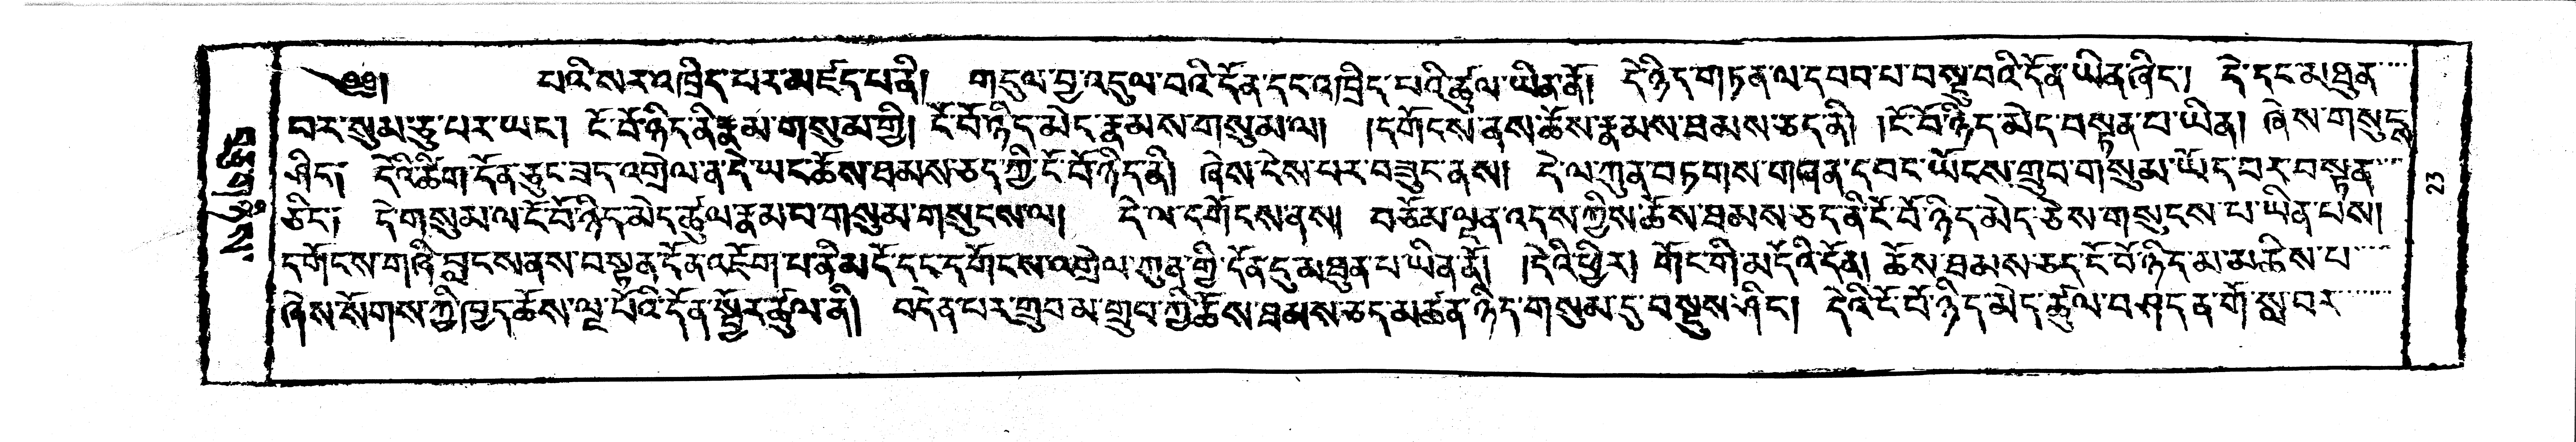༄༅། །པའི་སར་འཁྲིད་པར་མཛད་པ་ནི། གདུལ་བྱ་འདུལ་བའི་དོན་དང་འཁྲིད་པའི་ཚུལ་ཡིན་ནོ། དེ་ཉིད་གཏན་ལ་དབབ་པ་བསྡུ་བའི་དོན་ཡིན་ཞིང་། དེ་དང་མཐུན་
བར་སུམ་ཅུ་པར་ཡང་། ངོ་བོ་ཉིད་ནི་རྣམ་གསུམ་གྱི། ངོ་བོ་ཉིད་མེད་རྣམས་གསུམ་ལ། །དགོངས་ནས་ཆོས་རྣམས་ཐམས་ཅད་ནི། །ངོ་བོ་ཉིད་མེད་བསྟན་པ་ཡིན། ཞེས་གསུངས་
ཤིང༑ དེའི་ཚིག་དོན་ཅུང་ཟད་འགྲེལ་ན་དེ་ཡང་ཆོས་ཐམས་ཅད་ཀྱི་ངོ་བོ་ཉིད་ནི། ཞེས་ངེས་པར་བཟུང་ནས། དེ་ལ་ཀུན་བཏགས་གཞན་དབང་ཡོངས་གྲུབ་གསུམ་ཡོད་པར་བསྟན་
ཅིང༑ དེ་གསུམ་ལ་ངོ་བོ་ཉིད་མེད་ཚུལ་རྣམ་པ་གསུམ་གསུངས་ལ། དེ་ལ་དགོངས་ནས། བཅོམ་ལྡན་འདས་ཀྱིས་ཆོས་ཐམས་ཅད་ནི་ངོ་བོ་ཉིད་མེད་ཅེས་གསུངས་པ་ཡིན་པས།
དགོངས་གཞི་བླངས་ནས་བསྟན་དོན་འཇོག་པ་ནི་མདོ་དང་དགོངས་འགྲེལ་ཀུན་གྱི་དོན་དུ་མཐུན་པ་ཡིན་ནོ། །དེའི་ཕྱིར། གོང་གི་མདོའི་དོན། ཆོས་ཐམས་ཅད་ངོ་བོ་ཉིད་མ་མཆིས་པ་
ཞེས་སོགས་ཀྱི་ཁྱད་ཆོས་ལྔ་པོའི་དོན་སྦྱོར་ཚུལ་ནི། བདེན་པར་གྲུབ་མ་གྲུབ་ཀྱི་ཆོས་ཐམས་ཅད་མཚན་ཉིད་གསུམ་དུ་བསྡུས་ཤིང་། དེའི་ངོ་བོ་ཉིད་མེད་ཚུལ་བཤད་ན་གོ་སླ་བར་